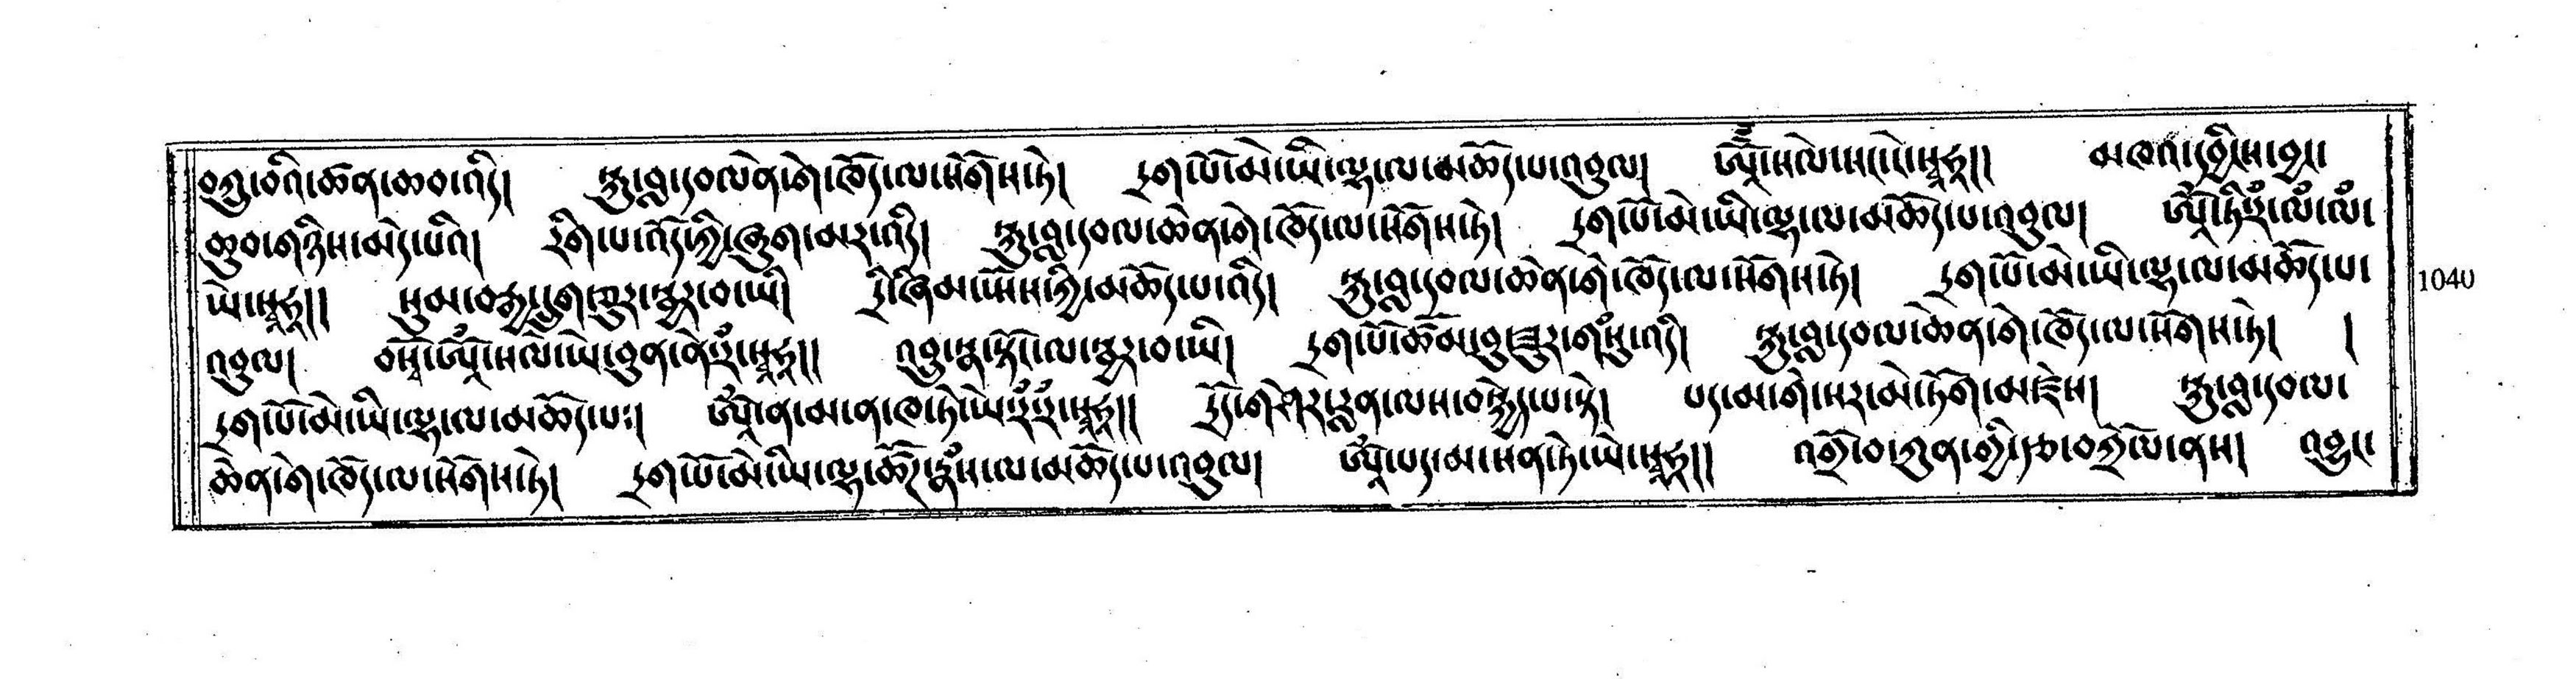བཀྲུ་བའི་ཚན་ཆབ་འདི། སྐུ་བླ་དབལ་ཆེན་གེ་ཁོད་ལ་སོགས་ཏེ། དྲག་པོ་མེ་ཡི་ལྷ་ལ་མཆོད་པ་འབུལ། ཨཱོཾ་སལེ་སང་ངེ་སྭཱཧཱ།། མཁའ་དབྱིངས་བྱང་
ཆུབ་གཉིས་མེད་པའི། རིག་པ་འོད་ཀྱི་ཞུག་མར་འདི། སྐུ་བླ་དབལ་ཆེན་གེ་ཁོད་ལ་སོགས་ཏེ། དྲག་པོ་མེ་ཡི་ལྷ་ལ་མཆོད་པ་འབུལ། ཨཱོཾ་ཏི་རཾ་ལཾ་ལཾ་
ཡེ་སྭཱཧཱ།། སུམ་བརྒྱ་དྲུག་ཅུར་སྦྱར་བ་ཡི། དྲི་ཞིམ་སྤོས་ཀྱི་མཆོད་པ་འདི། སྐུ་བླ་དབལ་ཆེན་གེ་ཁོད་ལ་སོགས་ཏེ། དྲག་པོ་མེ་ཡི་ལྷ་ལ་མཆོད་པ་
འབུལ། བསྭོ་ཨཱོཾ་སལེ་ཡེ་བུན་ནེ་རཾ་སྭཱཧཱ།། འབྲུ་སྣ་སྟོང་ལ་སྦྱར་བ་ཡི། དྲག་པོ་ཚོམ་བུ་ཟུར་གསུམ་འདི། སྐུ་བླ་དབལ་ཆེན་གེ་ཁོད་ལ་སོགས་ཏེ། 
དྲག་པོ་མེ་ཡི་ལྷ་ལ་མཆོད་པ༴། ཨཱོཾ་ན་མ་ན་ཁ་ཏེ་ཡེ་རཾ་རཾ་སྭཱཧཱ།། དྲོད་གཤེར་རླན་ལས་བསྐྱེད་པ་སྟེ། པད་མ་གེ་སར་མེ་ཏོག་མཛེས། སྐུ་བླ་དབལ་
ཆེན་གེ་ཁོད་ལ་སོགས་ཏེ། དྲག་པོ་མེ་ཡི་ལྷ་ཚོགས་ལ་མཆོད་པ་འབུལ། ཨཱོཾ་པད་མ་སན་ཏེ་ཡེ་སྭཱཧཱ།། འགྲོ་བ་ཀུན་གྱི་རྩ་བཀྲོལ་ནས། འབྱུང་